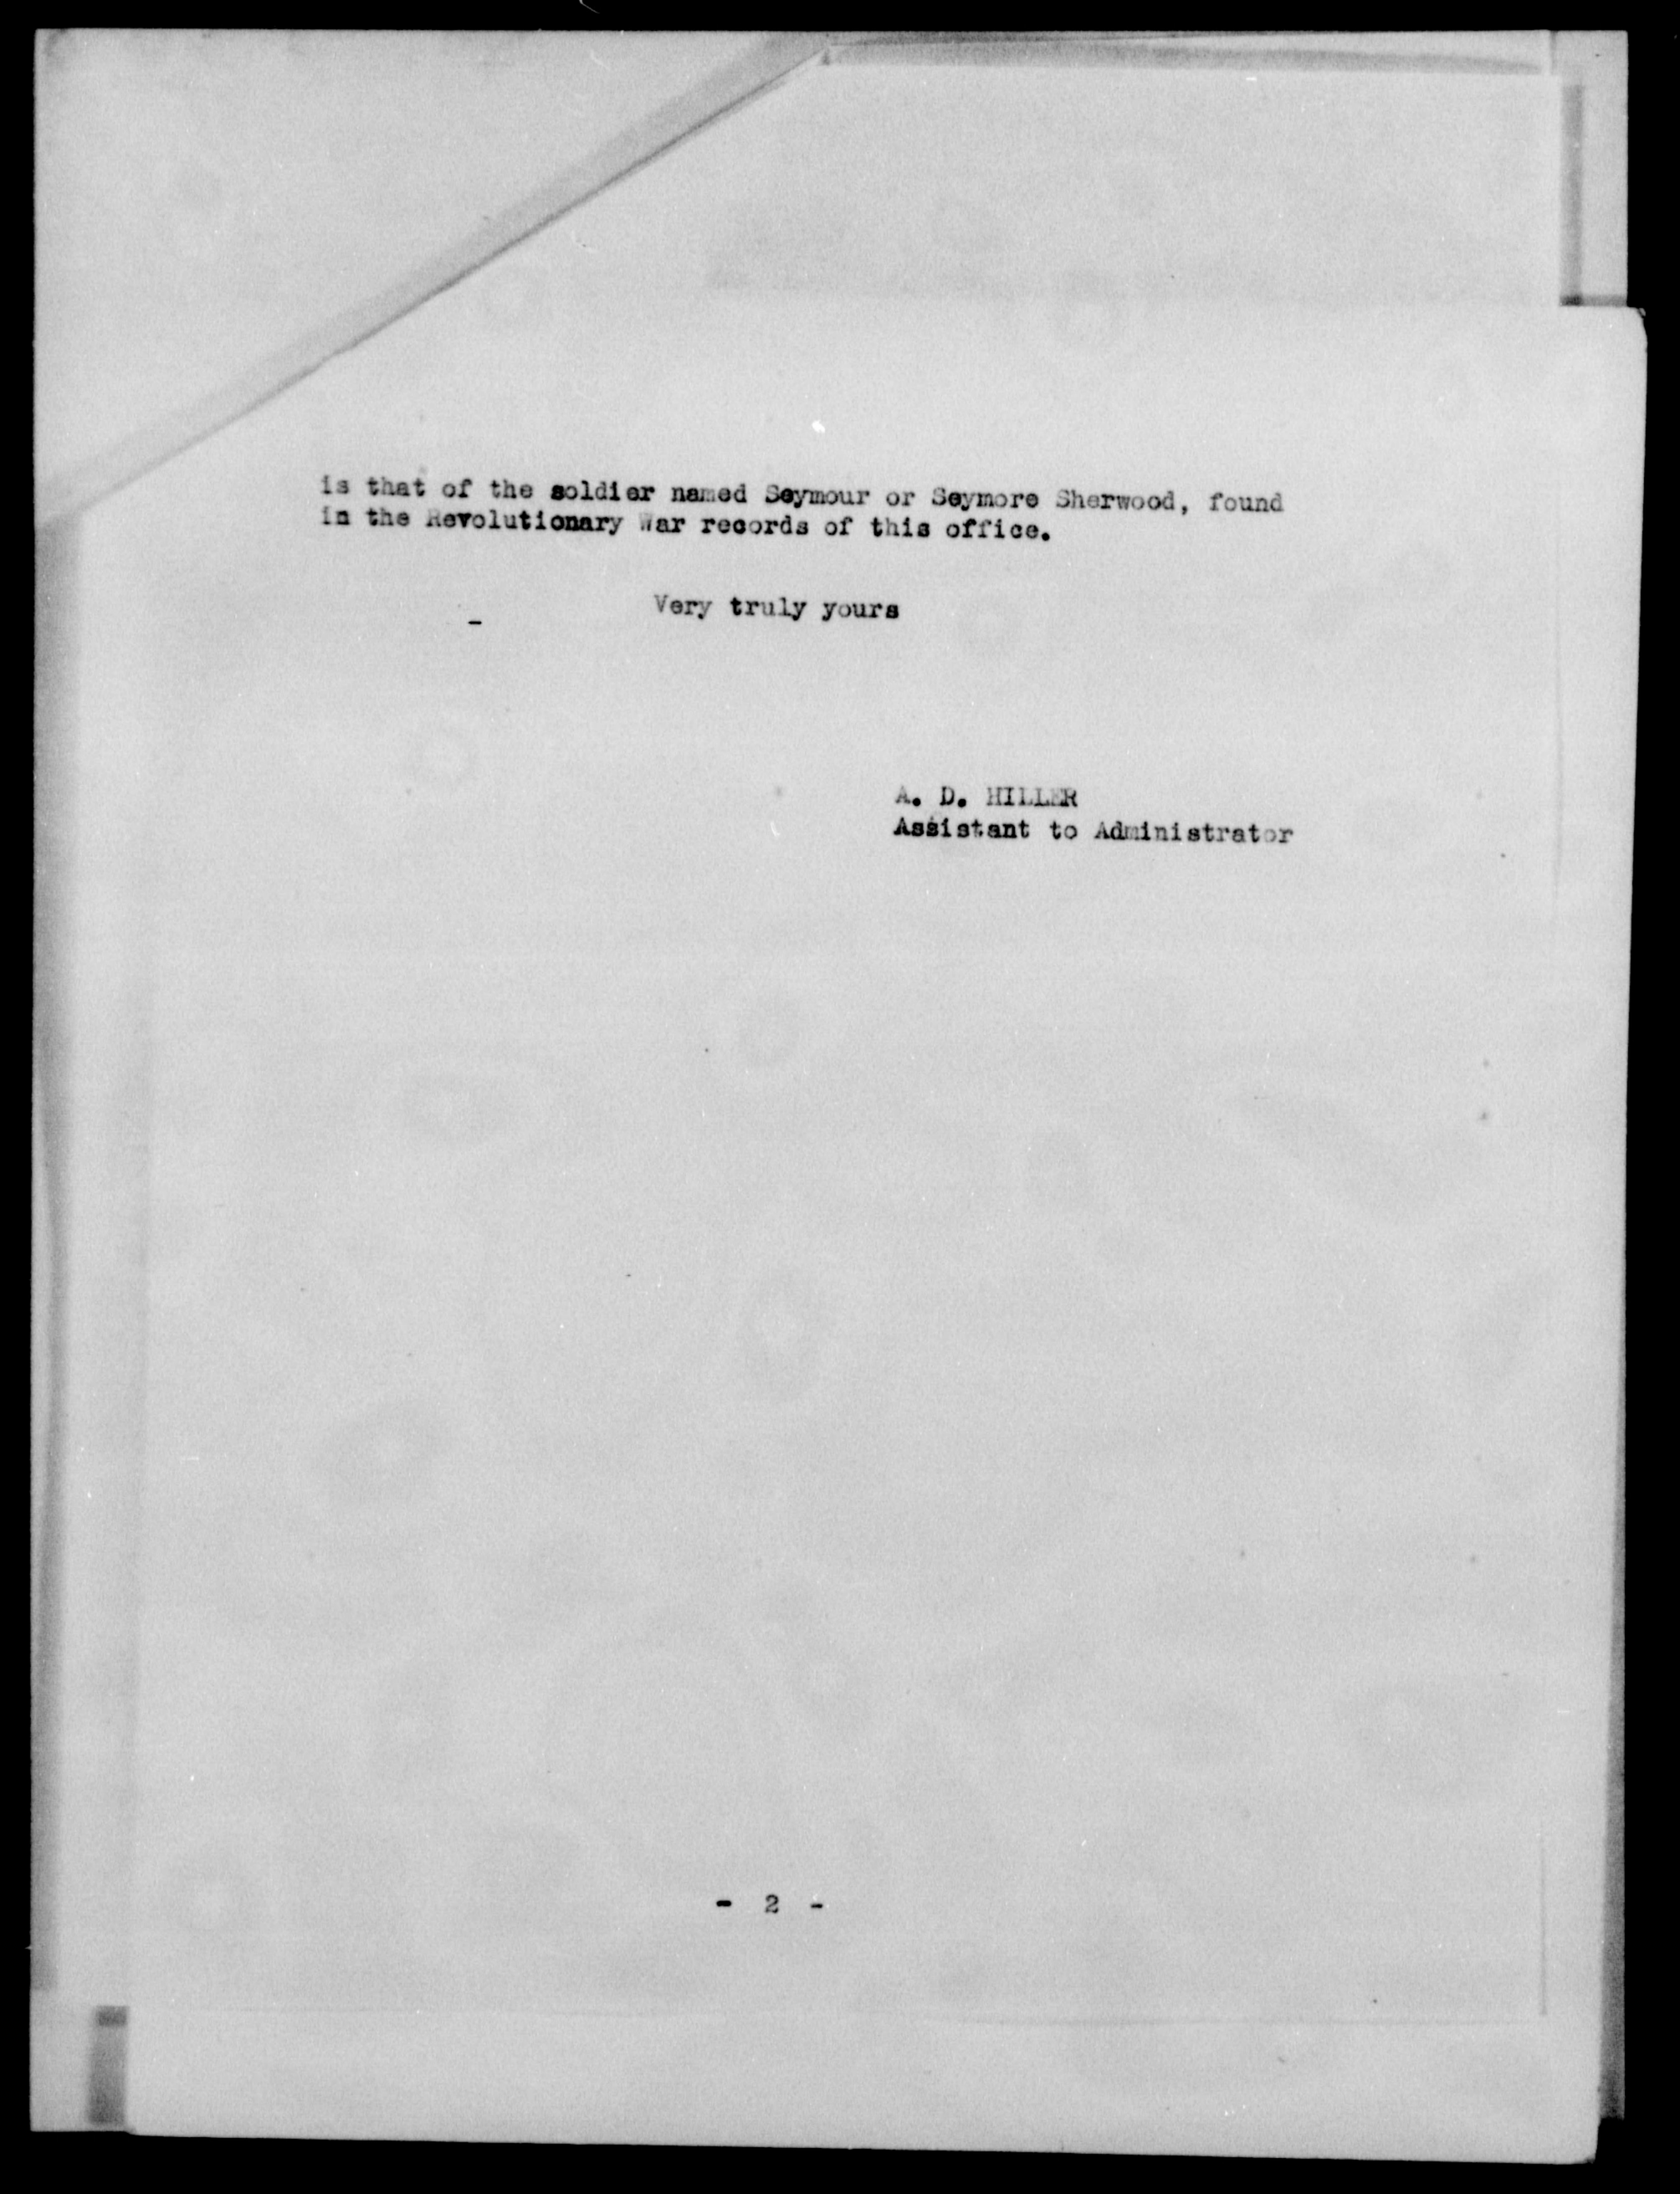is that of the soldier named Seymour or Seymore Sherwood, found in the Revolutionary War records of this office.

Very truly yours


A.D. Hiller
Assistant to Administrator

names: Seymour Sherwood; A D Hiller; Seymore Sherwood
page: 14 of 30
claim: survivor's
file: S. 42289, for Seymore Sherwood, Connecticut